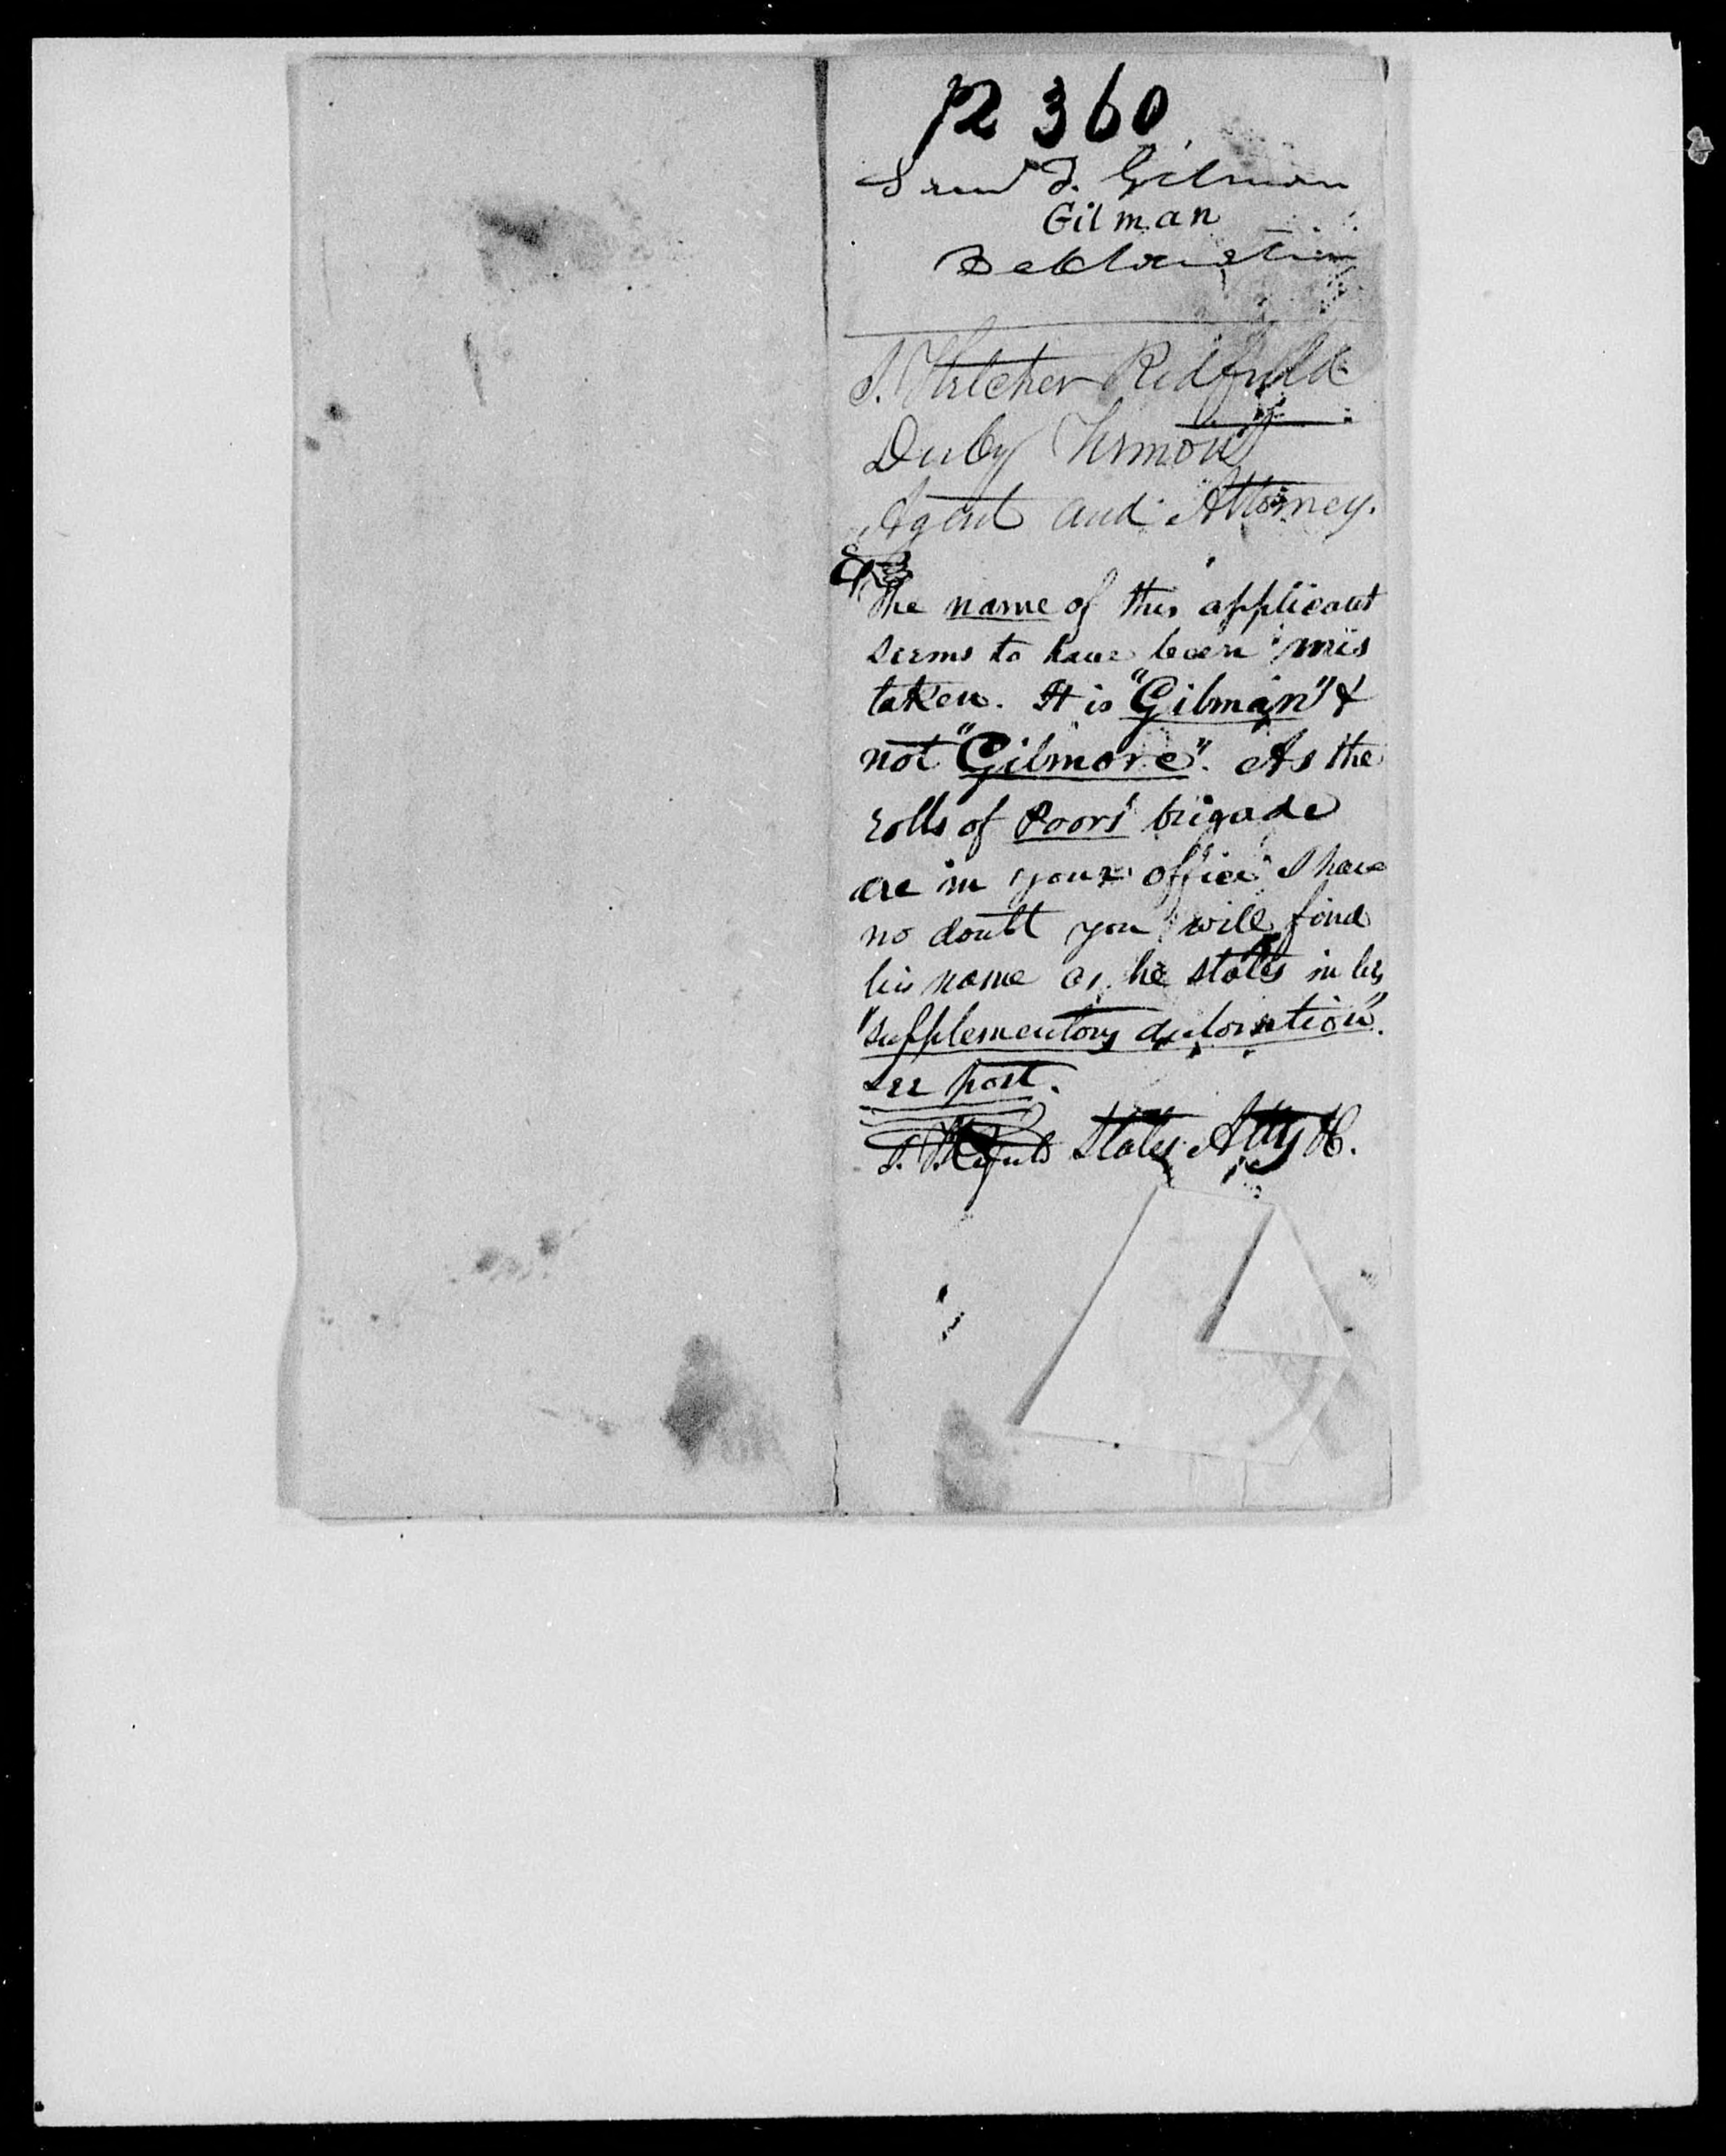12360
Saml T. Gilman
[illeg]
S. Fletcher Redfield
Derby Vermont
Agent and Attorney

The name of this applicant seems to have been mistaken. It is "Gilman" & not "Gilmore". As the rolls of Poor's brigade are in your office I have no doubt you will find his name as he states in the supplementory declaration.
See post.
J. T. Ritfield States Atty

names: Gilmore, Gilman, Saml T Gilman, Gilman, J T Rifield, S Fletcher Redfield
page: 9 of 61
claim: widow's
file: W. 19500, Samuel Thing Gilman, Continental N.H.